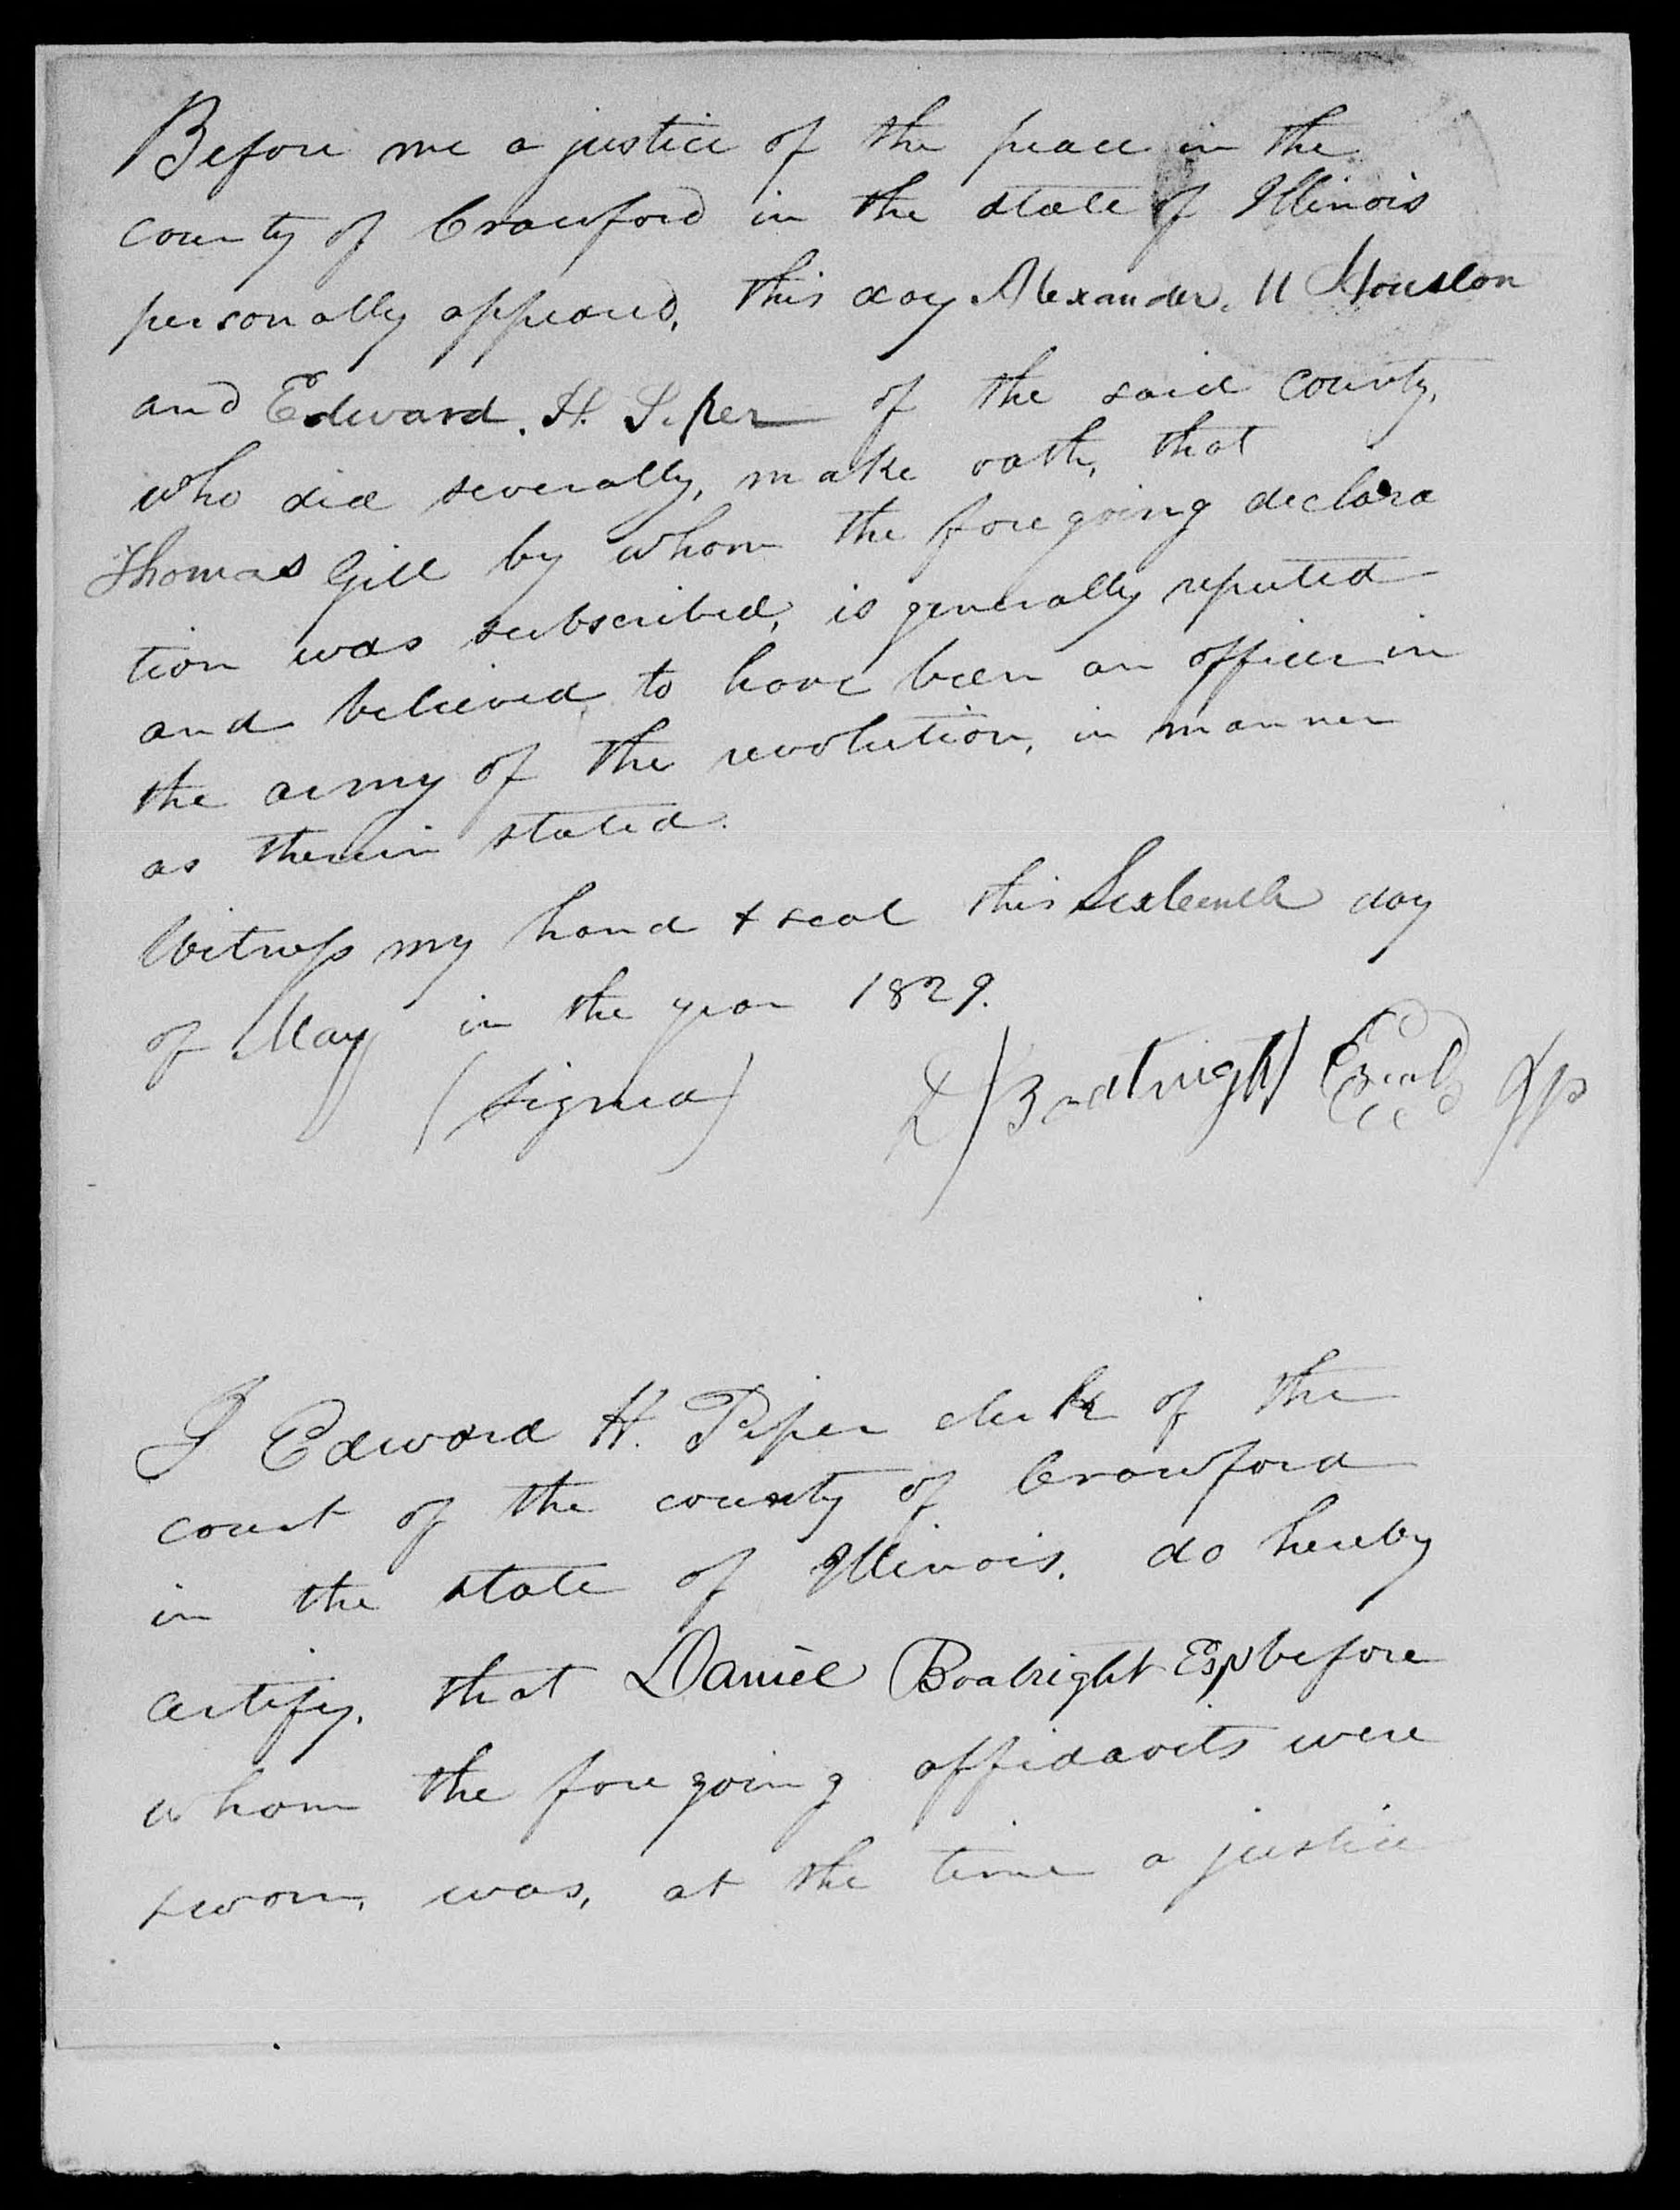Before me a Justice of the peace in the County of Crawford in the  State of Illinois personally appeared this day,  Alexander M Houston and  Edward H Piper of the said County  who did severally  make oath , that Thomas Gill by whom the forging declaration  was subscribed , is generally reputed  and believed to have been an officer in the army of the revolution , in manner as therein stated. Witness my hand & seal this sixteenth day of May in the year 1829.  ( signed )  D Boatright ( sealed )  J P   I Edward H Piper  clerk of the Court of the County  of Crawford in the  State of Illinois , do hereby certify that Daniel Boatright  Esq.  before  whom the foregoing affidavits were sworn  was, at the time a Justice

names: Thomas Gill, D Boatright, Daniel Boatright, Alexander M Houston, Edward H Piper, Edward H Piper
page: 26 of 44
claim: survivor's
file: S. 31,061, Thomas Gill, S.C.